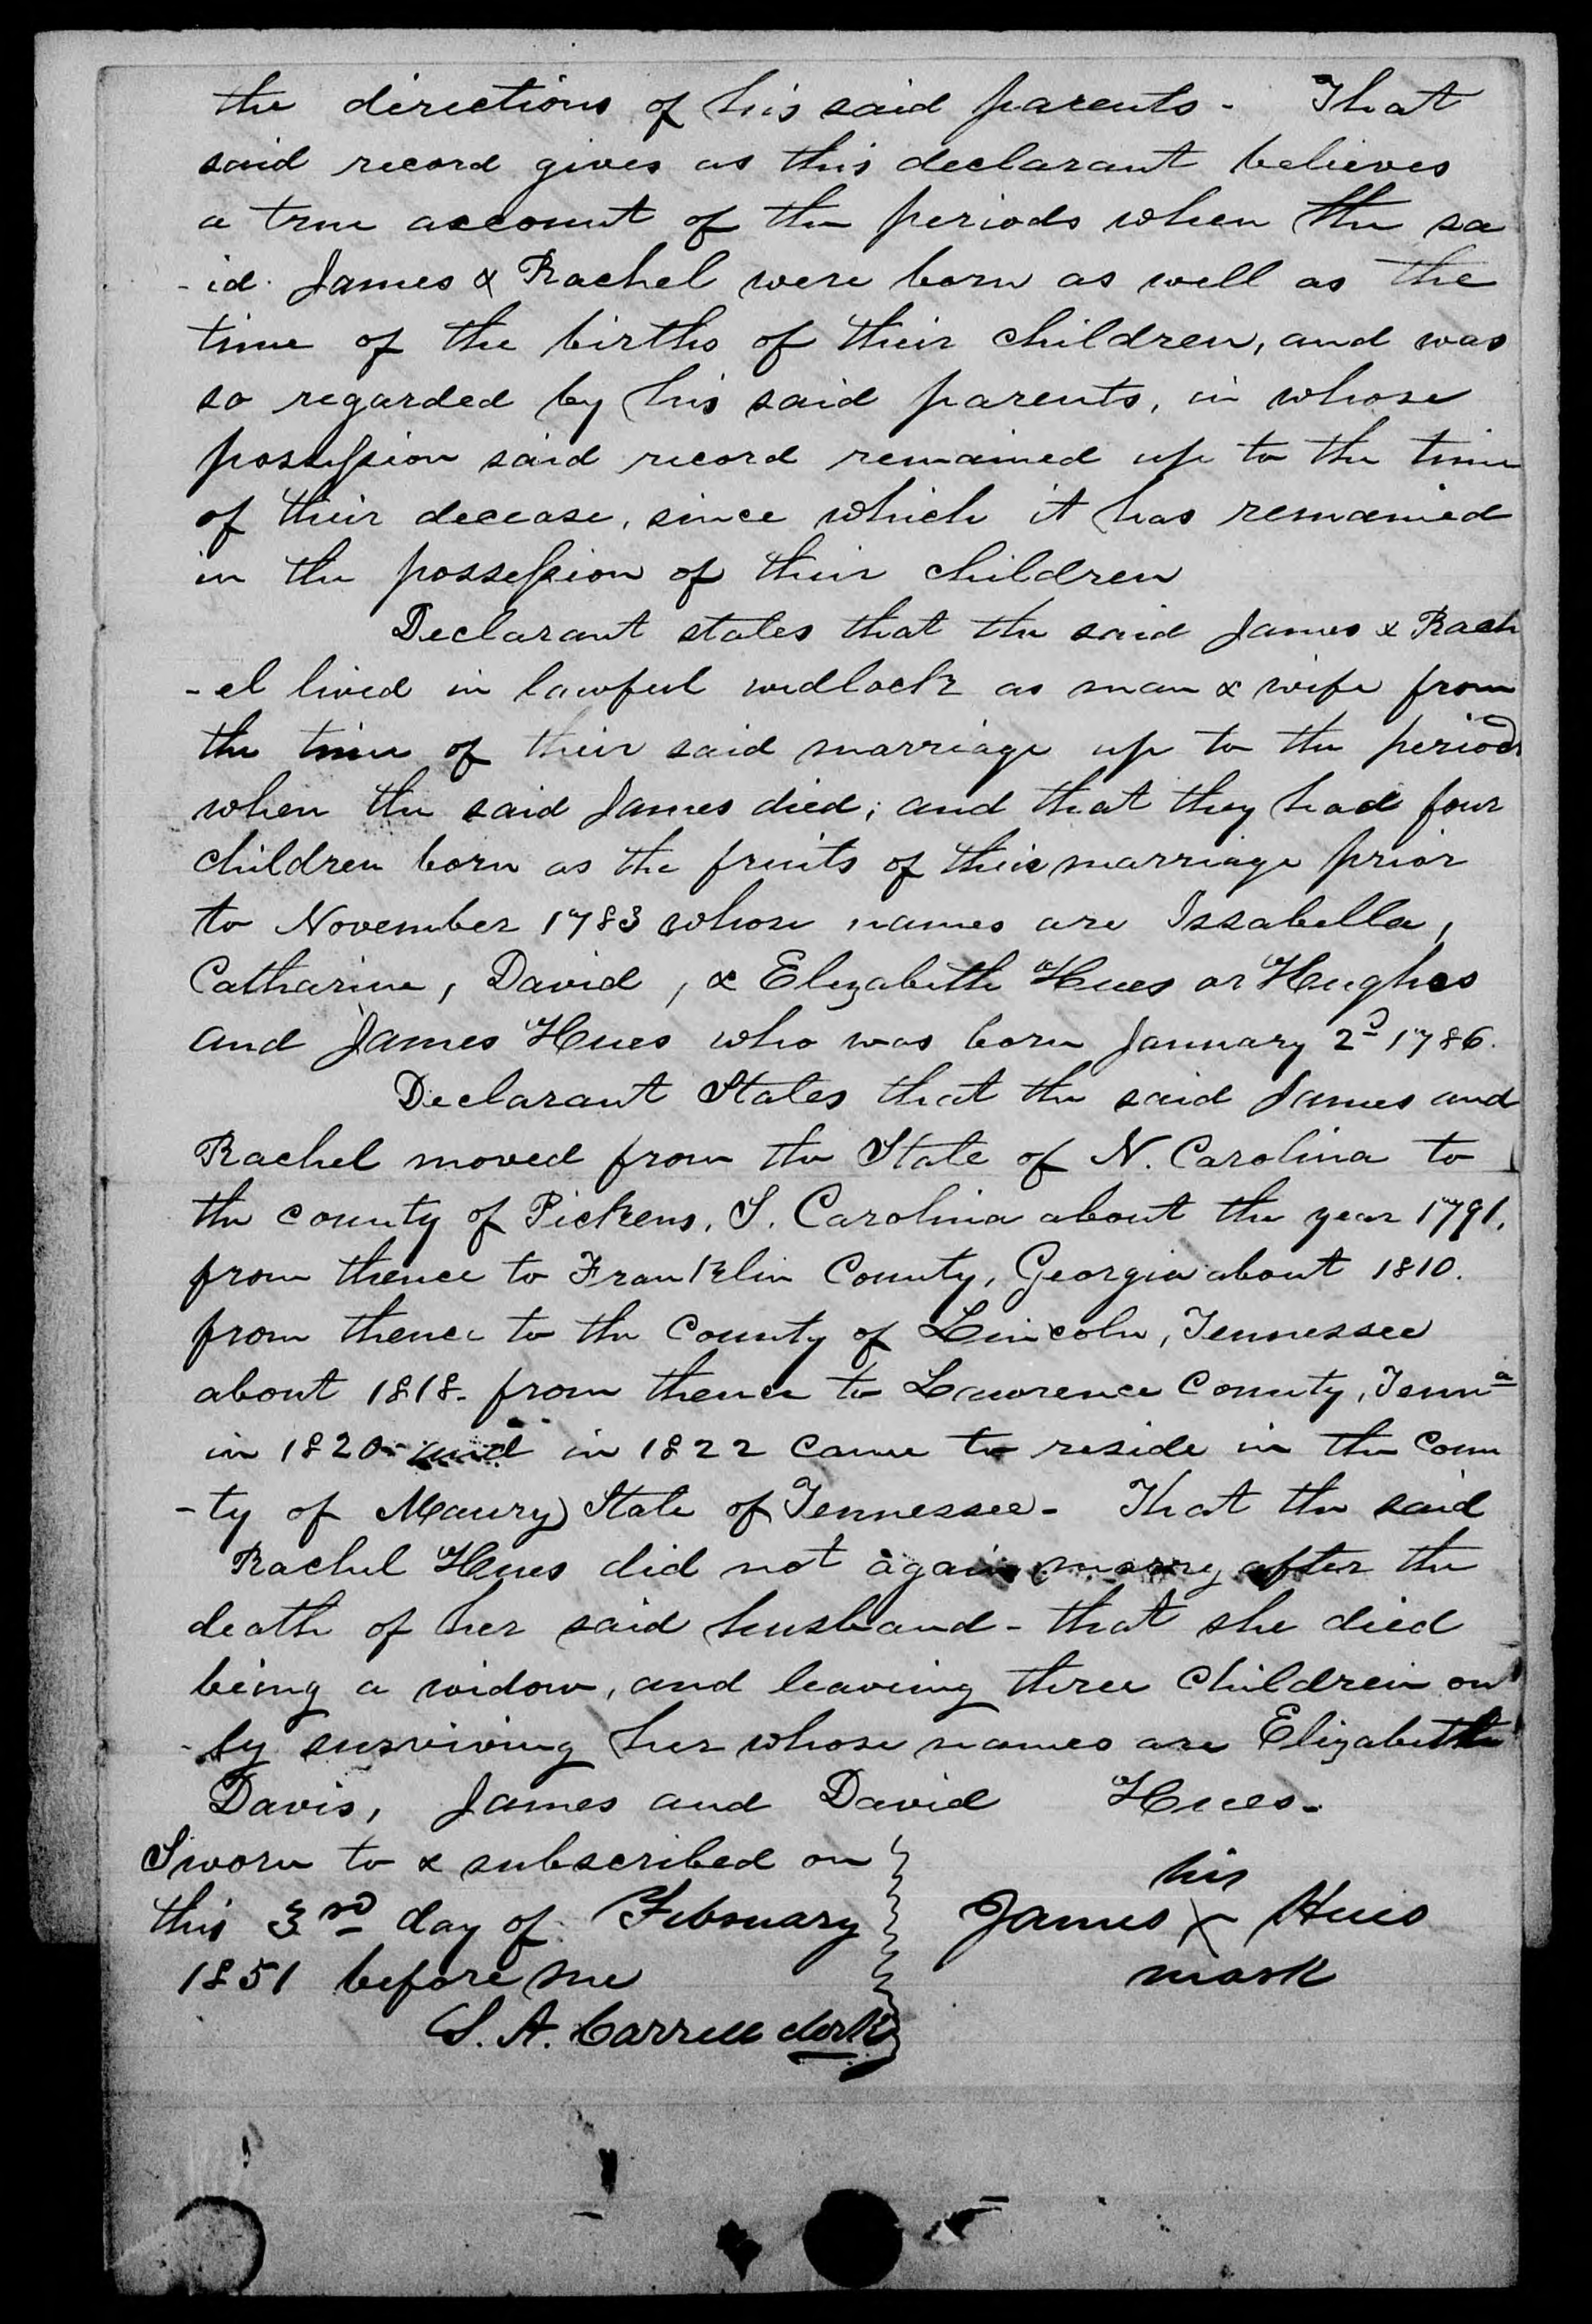the directions of his said parent. That said record gives as this declarant believes a true account of the periods when the said James & Rachel were born as well as the time of the births of their children, and was so regarded by his said parents, in whose possession said record remained up to the time of their decease, since which it has remained in the possession of their children.
   Declarant states that the said James & Rachel lived in lawful wedlock as man & wife from the time of their said marriage up to the period when the said James died, and that they have four children born as the fruits of their marriage prior to November 1783 whose names are Issabella, Catharine, David, & Elizabeth Hues or Hughes and James Hues who was born January 20th 1786.
   Declarant states that the said James and Rachel moved from the State of N. Carolina to the county of Pickens, S. Carolina about the year 1791, from thence to the county of Lincoln, Tennessee about 1818 from thence to Lawrence County, Tenn. in 1820 until in 1822 came to reside in the county of Maury State of Tennessee.  That the said Rachel Hues did not again marry after the death of her said husband - that she died being a widow and leaving three children only surviving her whose names are Elizabeth Davis, James and David Hues. 
James Hues (his mark)

Sworn to & subscribed on this 3rd day of February 1851 before me 
S.A. Carrell, clerk.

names: S A Carrell, Catharine Hues, Rachel Hues, Rachel, Elizabeth Hues, Issabella Hughes, David Hues, James, Elizabeth Hughes, Davis, Issabella Hues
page: 4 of 24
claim: rejected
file: R. 5342, James Hues, N.C.